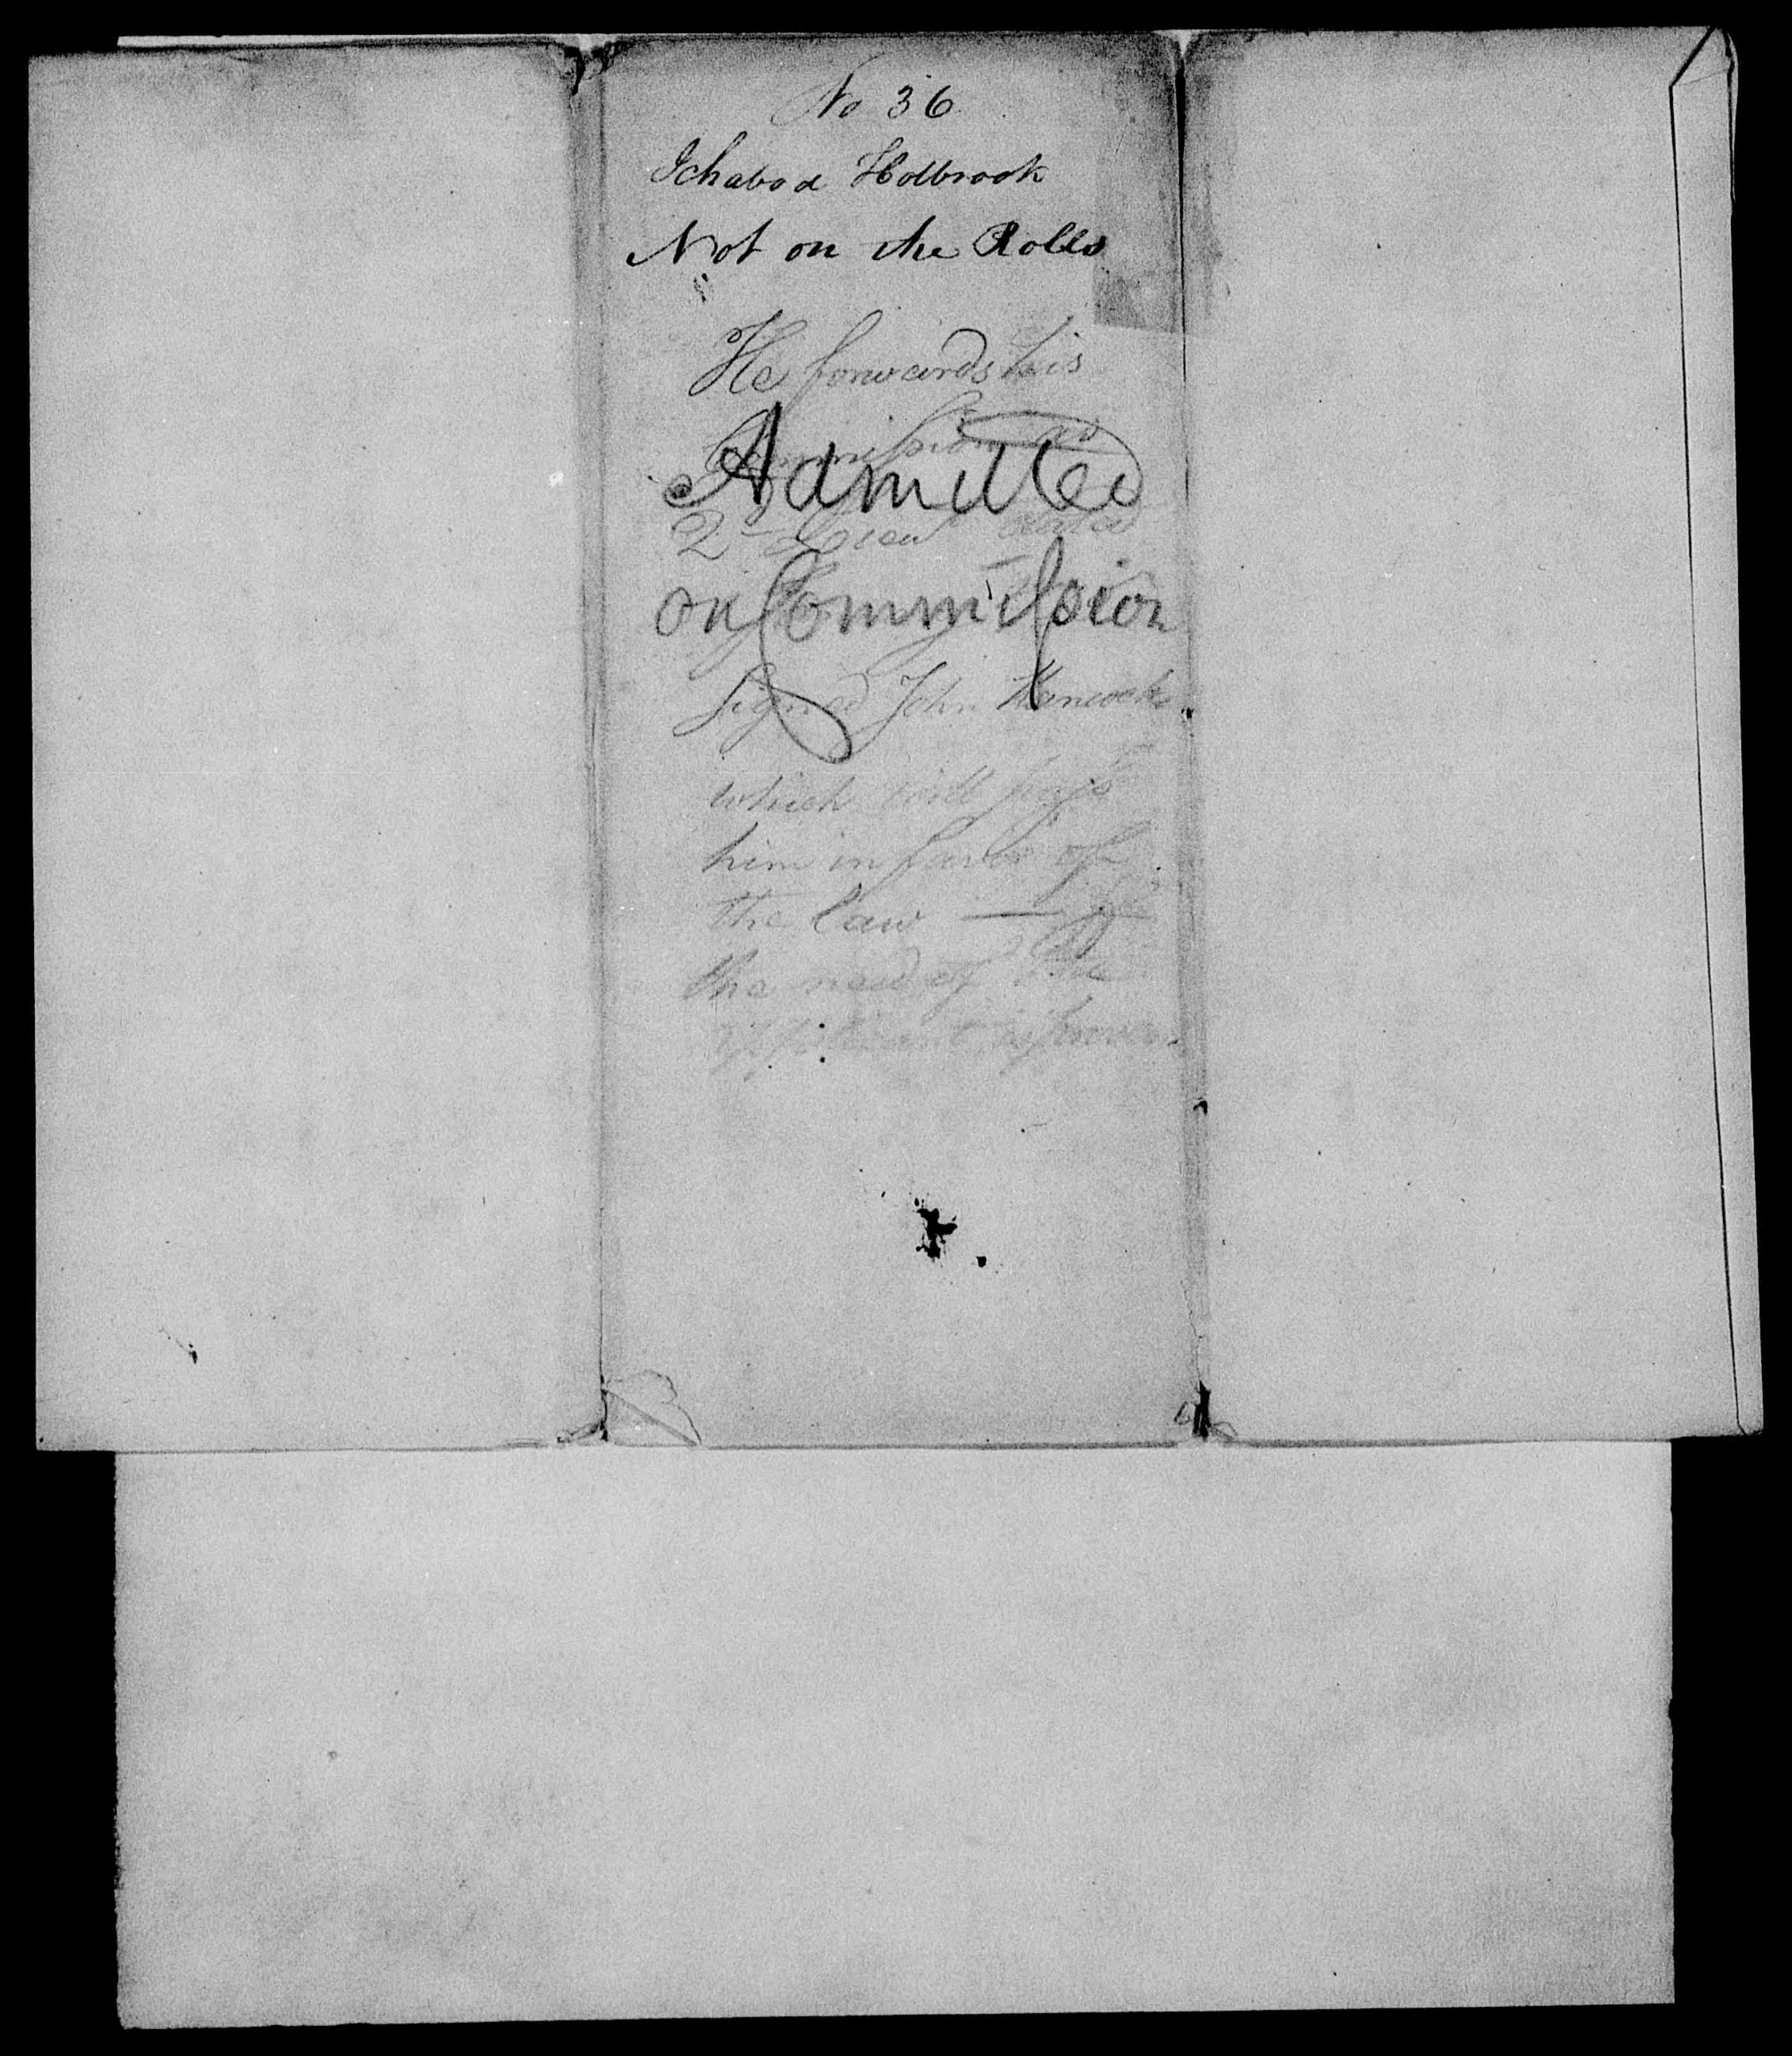No 36
Ichabod Hollbrook
Not on the Rolls

He forwards his Commission as 2d Lieut dated January [obscured by superscript]

Signed John Hancock which will [pass?] him in [illegible] of the law —
the need of the [illegible]

[superscript]
Admitted
on Commission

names: Ichabod Holbrook, John Hancock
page: 5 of 15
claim: survivor's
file: S. 32,852, Ichabod Holbrook, Continental Mass.